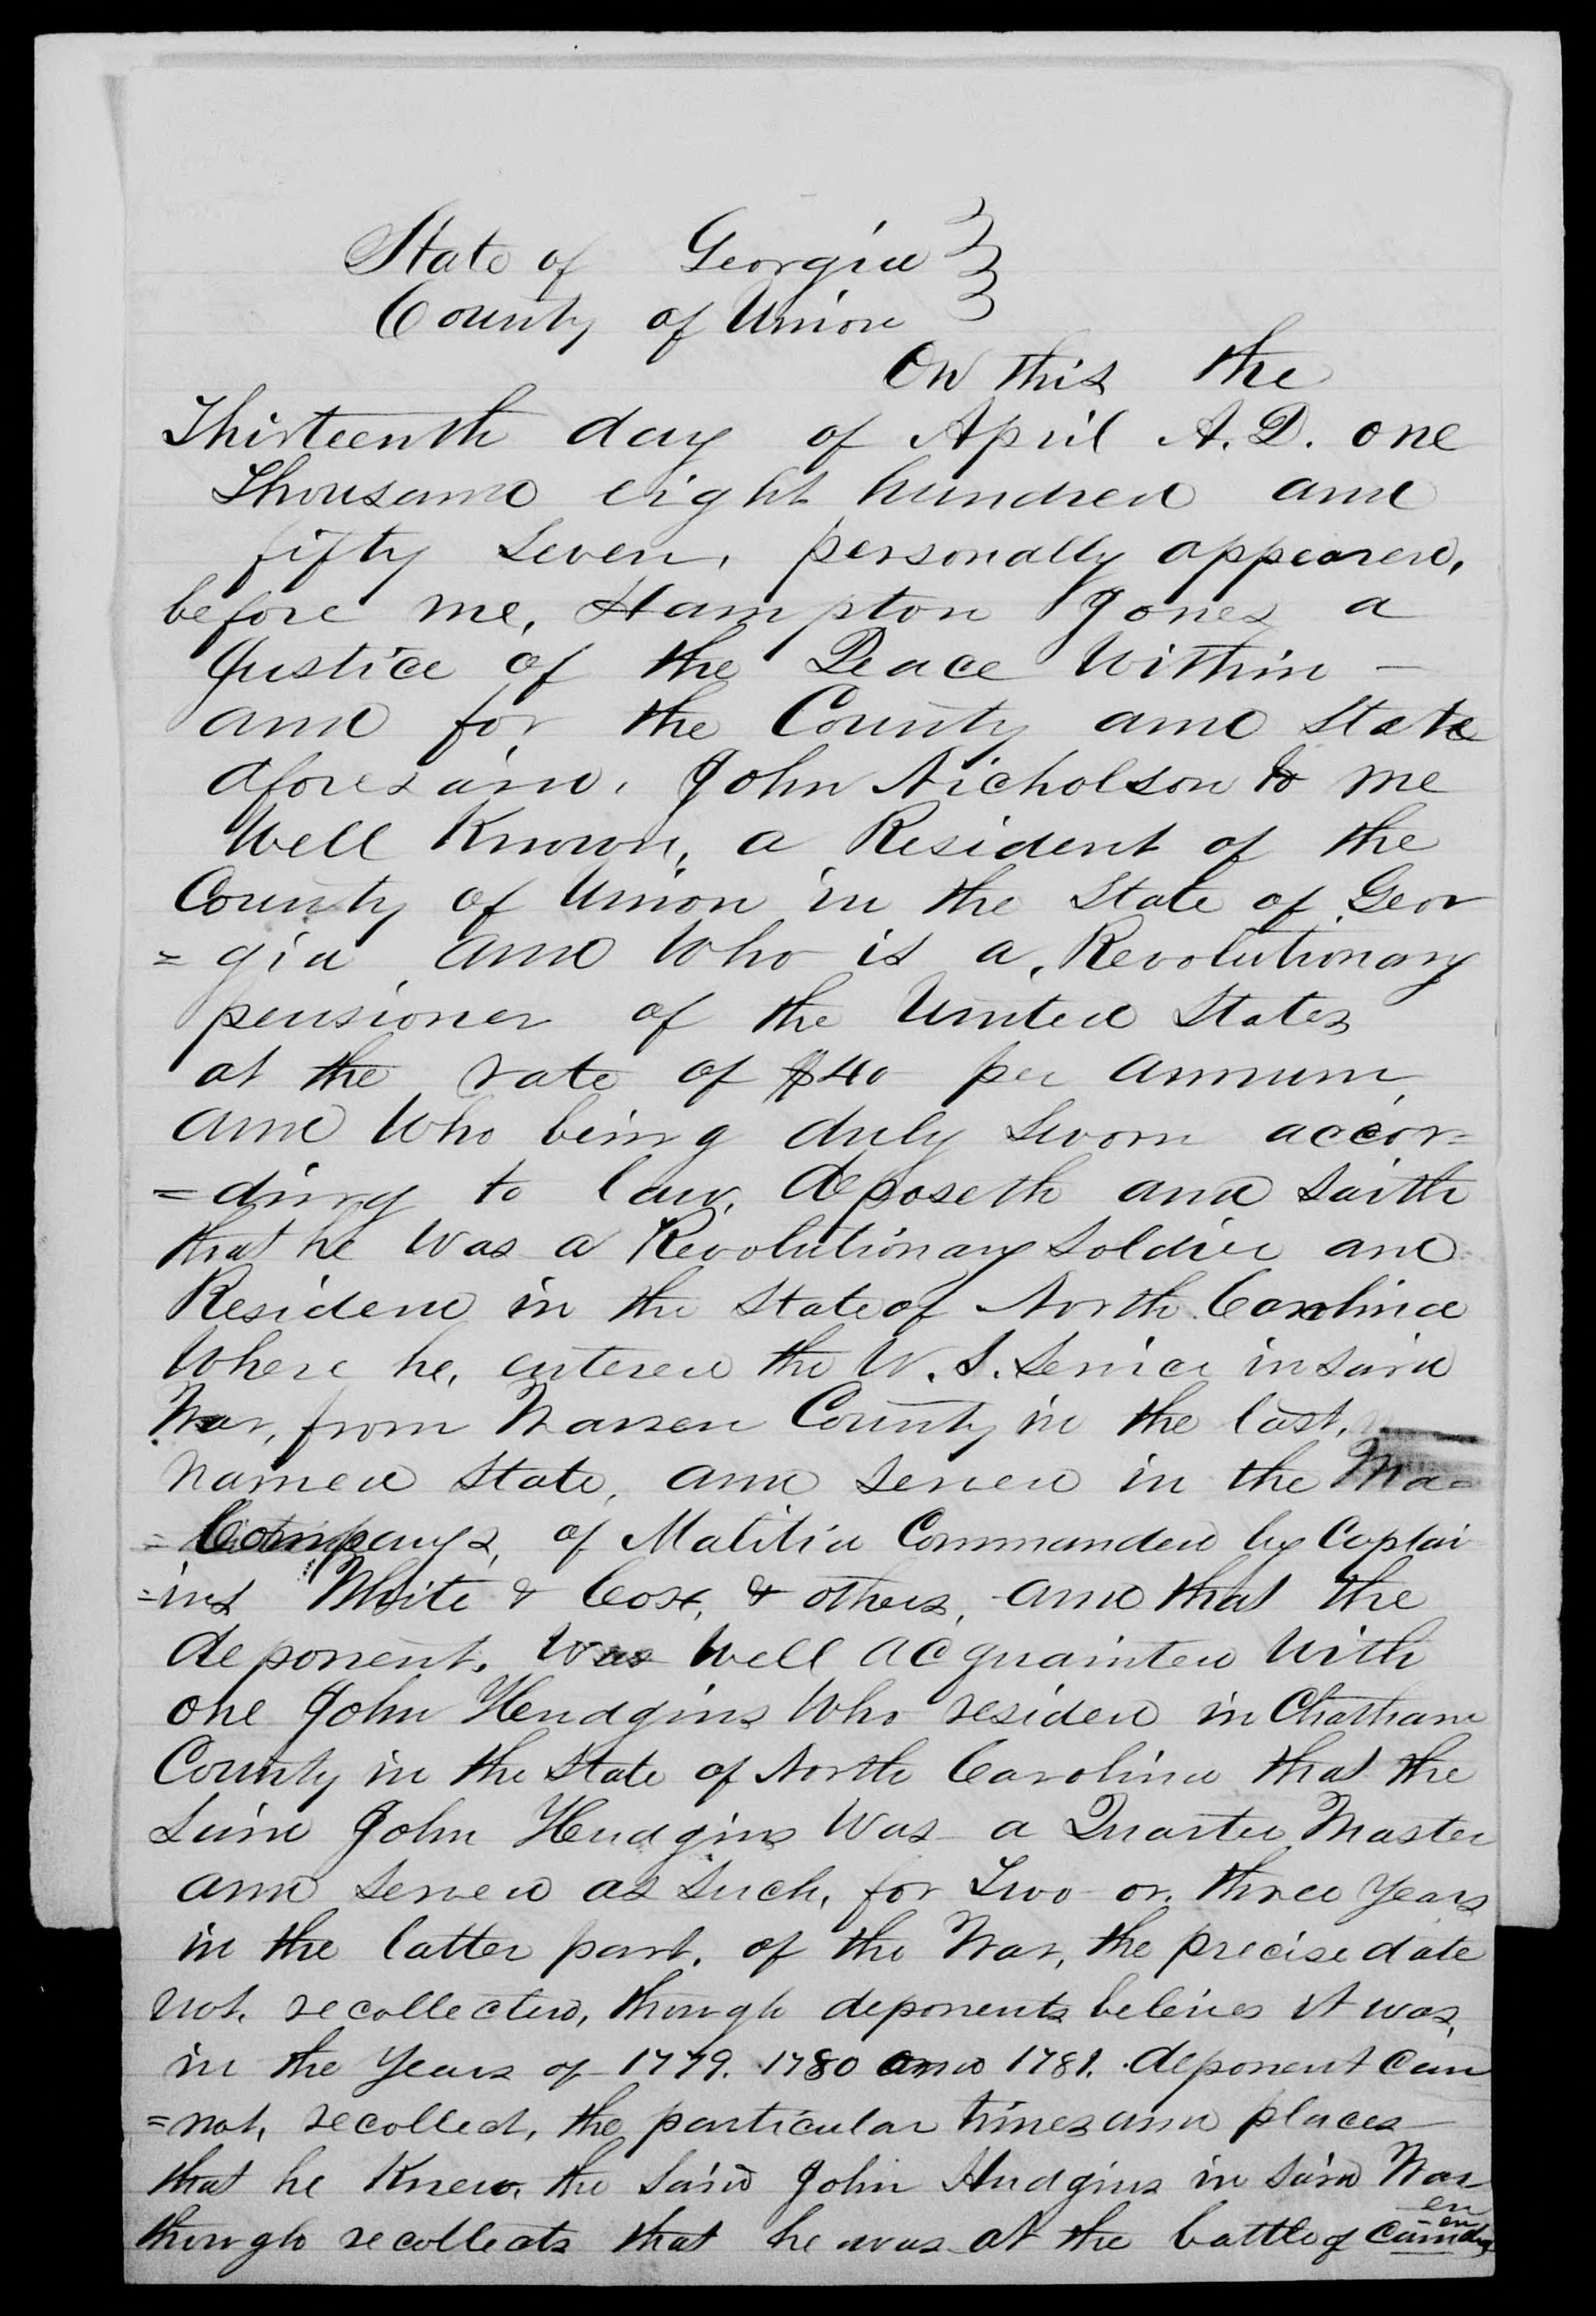State of Georgia
County of Union (vertical squiggle line)
On this the 13th day of April a D. 1857 personally appeared before me. Jones, a justice of the peace within and for the county and State aforsaid John Nicholson to me well known a resident of the county of Union in the state of Georgia and who is a Revolutionary pensioner of the United States at the Rate of 40 lira per animal, and who being sworn according to law and say that he was a revolutionary soldier and resident in the state of North Carolina, where he entered the W.S. Senior in said War from Manson County in the last named State. And (not legible word) in the Ma Company of Militia Commanded by Captains White &  Cox & others and that the despondent was well acquainted with one John Hudgins who resided in Chatham County in the State of North Carolina that the same John Hudgins was Quarter Master and served as such for two or three years in the latter part of the war, the precise date not recollected though deponent believe it was in the years 1779 & 1780 and 1781 deponent cannot recollect the particular times and places that he knew the said John Hudgins in said war though recollects that he was at the battle of Camden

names: John Nicholson, Cox, White, John Hudgins, Hampton Jones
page: 78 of 108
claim: rejected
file: R. 7,515, John Hudgins, N.C.